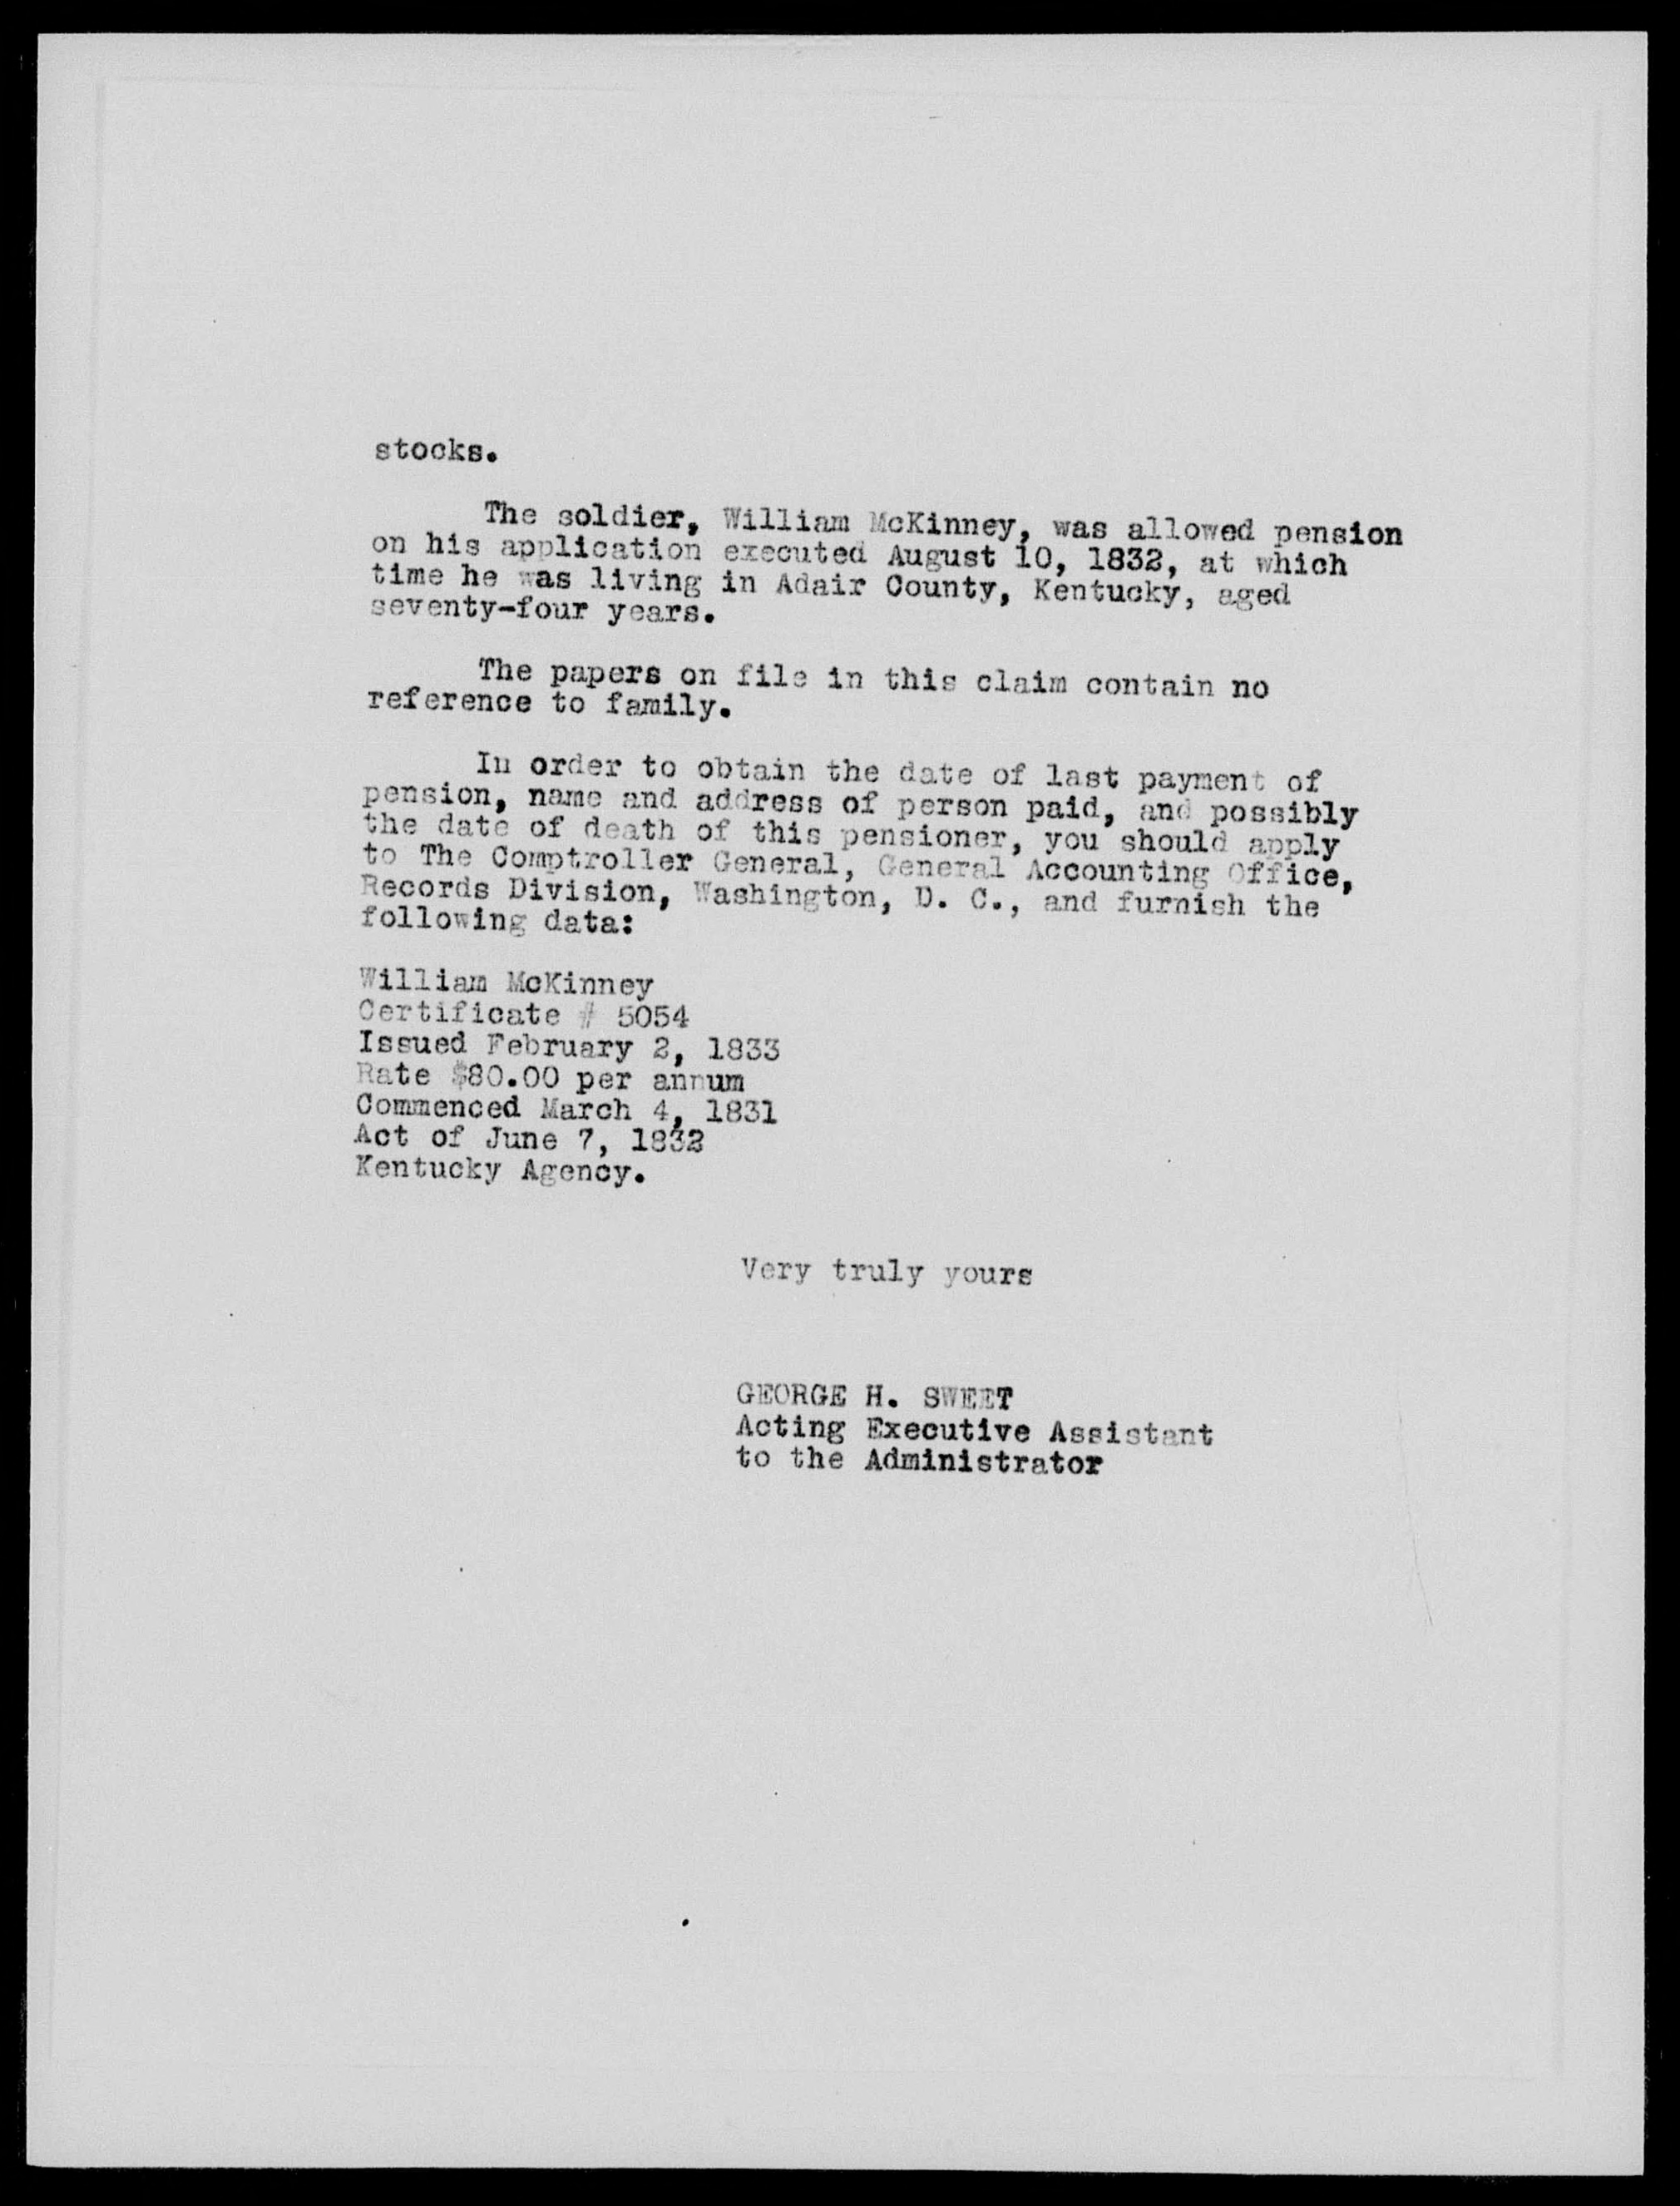stocks.
The soldier, William McKinney, was allowed pension on his application executed August 10, 1832, at which time he was living in Adair County, Kentucky, aged seventy-four years.
The papers on file in this claim contain no reference to family.  
In order to obtain the date of last payment of pension, name and address of person paid, and possibly the date of death of this pensioner, you should apply to The Comptroller General, General Accounting Office, Records Division, Washington, D.C., and furnish the following data
William McKinney
Certificate # 5054
Issued February 2, 1833
Rate $80.00 per annum
Commenced March 4, 1831
Act of June 7, 1832
Kentucky Agency.

Very truly yours
GEORGE H. SWEET
Acting Executive Assistant
to the Administrator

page: 24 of 28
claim: survivor's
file: S. 16,470, for William Mc Kinney, Georgia